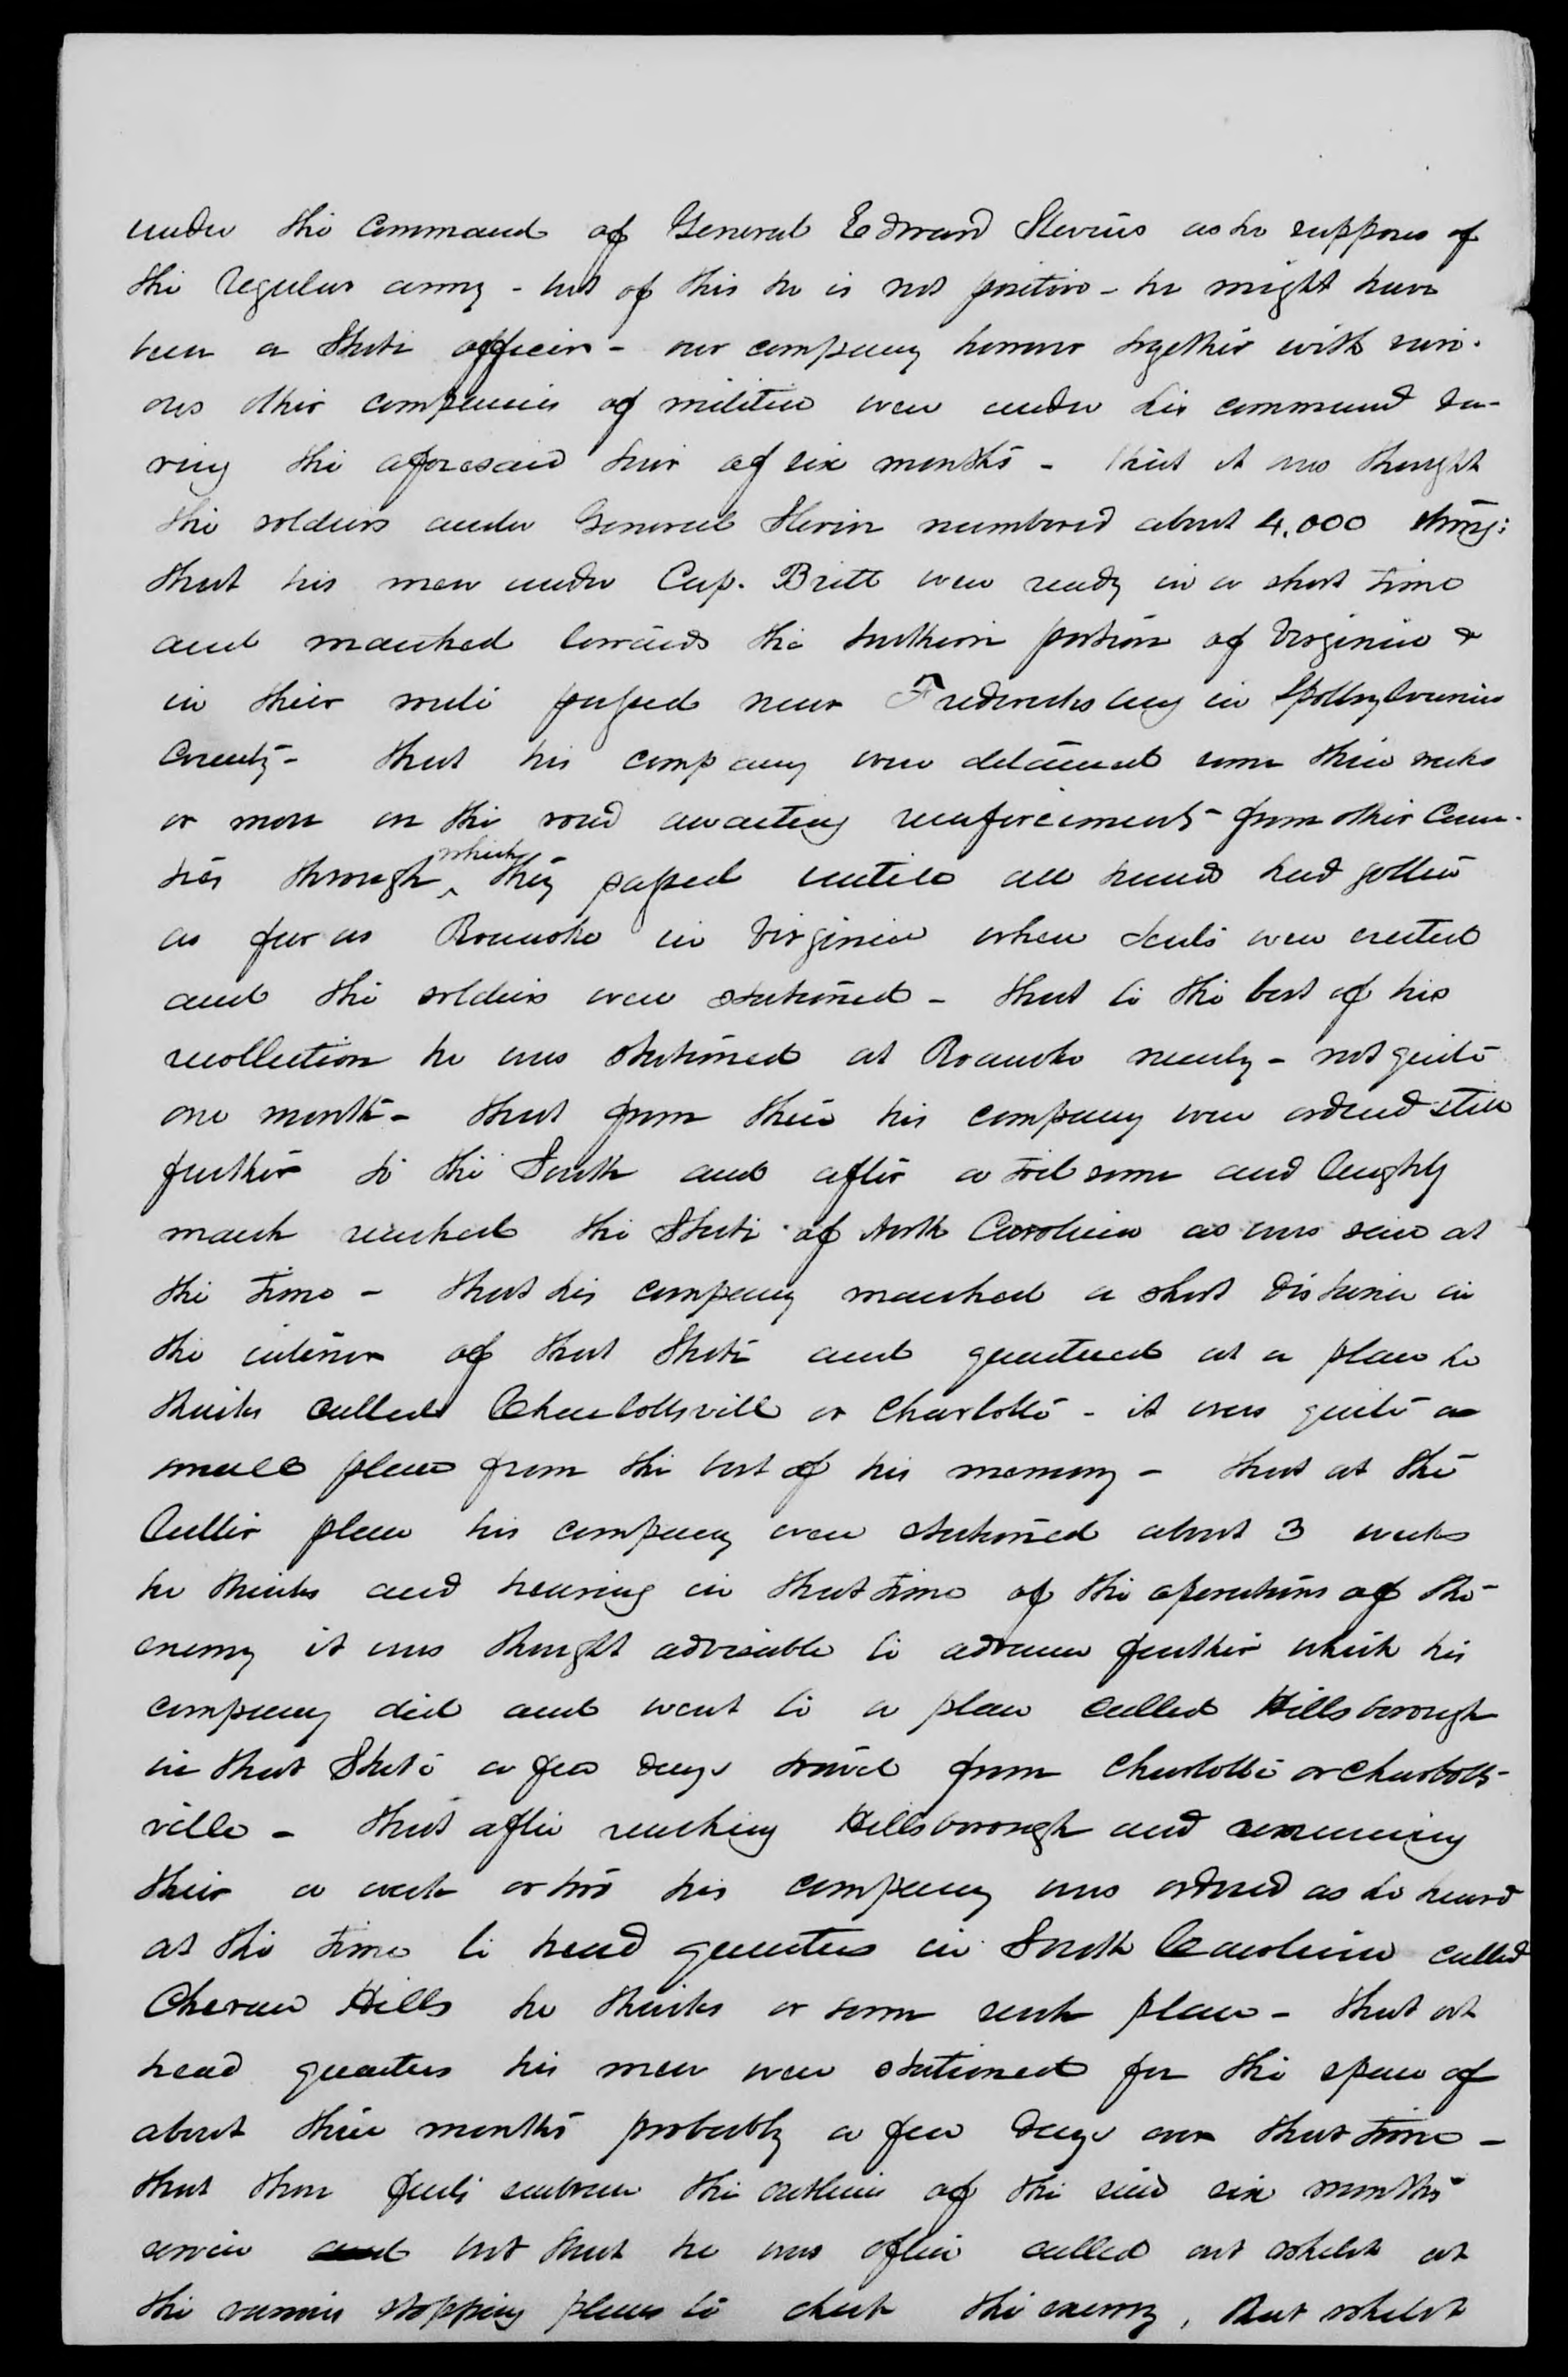under the command of General Edward Stevens as he supposes of the regular army is of this he is not positive, he might have been a State officer, our company [illegible]  together with numerous other companies of militia were under his command during the aforesaid four of six months - that it now thought the soldiers under General Stevin numbered about 4,000 strong; That his men under Cap. Britt were ready in a short time and marched toward the Southern portion of Virginia & in their [illegible] passed near Fredericksburg  in Spotsylvania County.
that his company was detained some three weeks or more on this road awaiting reinforcements from other counties through which they passed until all [illegible] had gotten as far as Roanoke in Virginia when [illegible] were erected and the soldiers were stationed. That to the best of his recollection he was [illegible] at Roanoke nearby. not quite one month. That from their his company were ordered still further to the South and after a toilsome and lengthy march reached the State of North Carolina as the said at
the time - that his company marched a short distance in of that entire of that State and quartered at a place he thinks called Charlottsvill [sic] or Charlotte. it was quite a
a small place from the best of his memory- that at the [illegible] place his company was stationed about 3 weeks he thinks and hearing in that time of the operations of the enemy it was thought advisable to advance further which his company did and went to a place called Hillsborough in that State a few days travel from Charlotte or Charlottesville--this after reaching Hillsborough and remaining
their a week or [illegible] his company was ordered as he heard at the time to head quarters in South Carolina called Cheraw Hills he thinks or some such place - that at head quarters his men were stationed for the space of about three months probably a few days over that time-- thus these facts subscribe the outlines of the said six months service but that he was often called out whilst at
the [illegible] [illegible] [illegible] to check the enemy, that whilst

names: Edward Stevens, Britt, Herin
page: 10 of 61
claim: survivor's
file: S. 8236, Daniel Cole, Va.